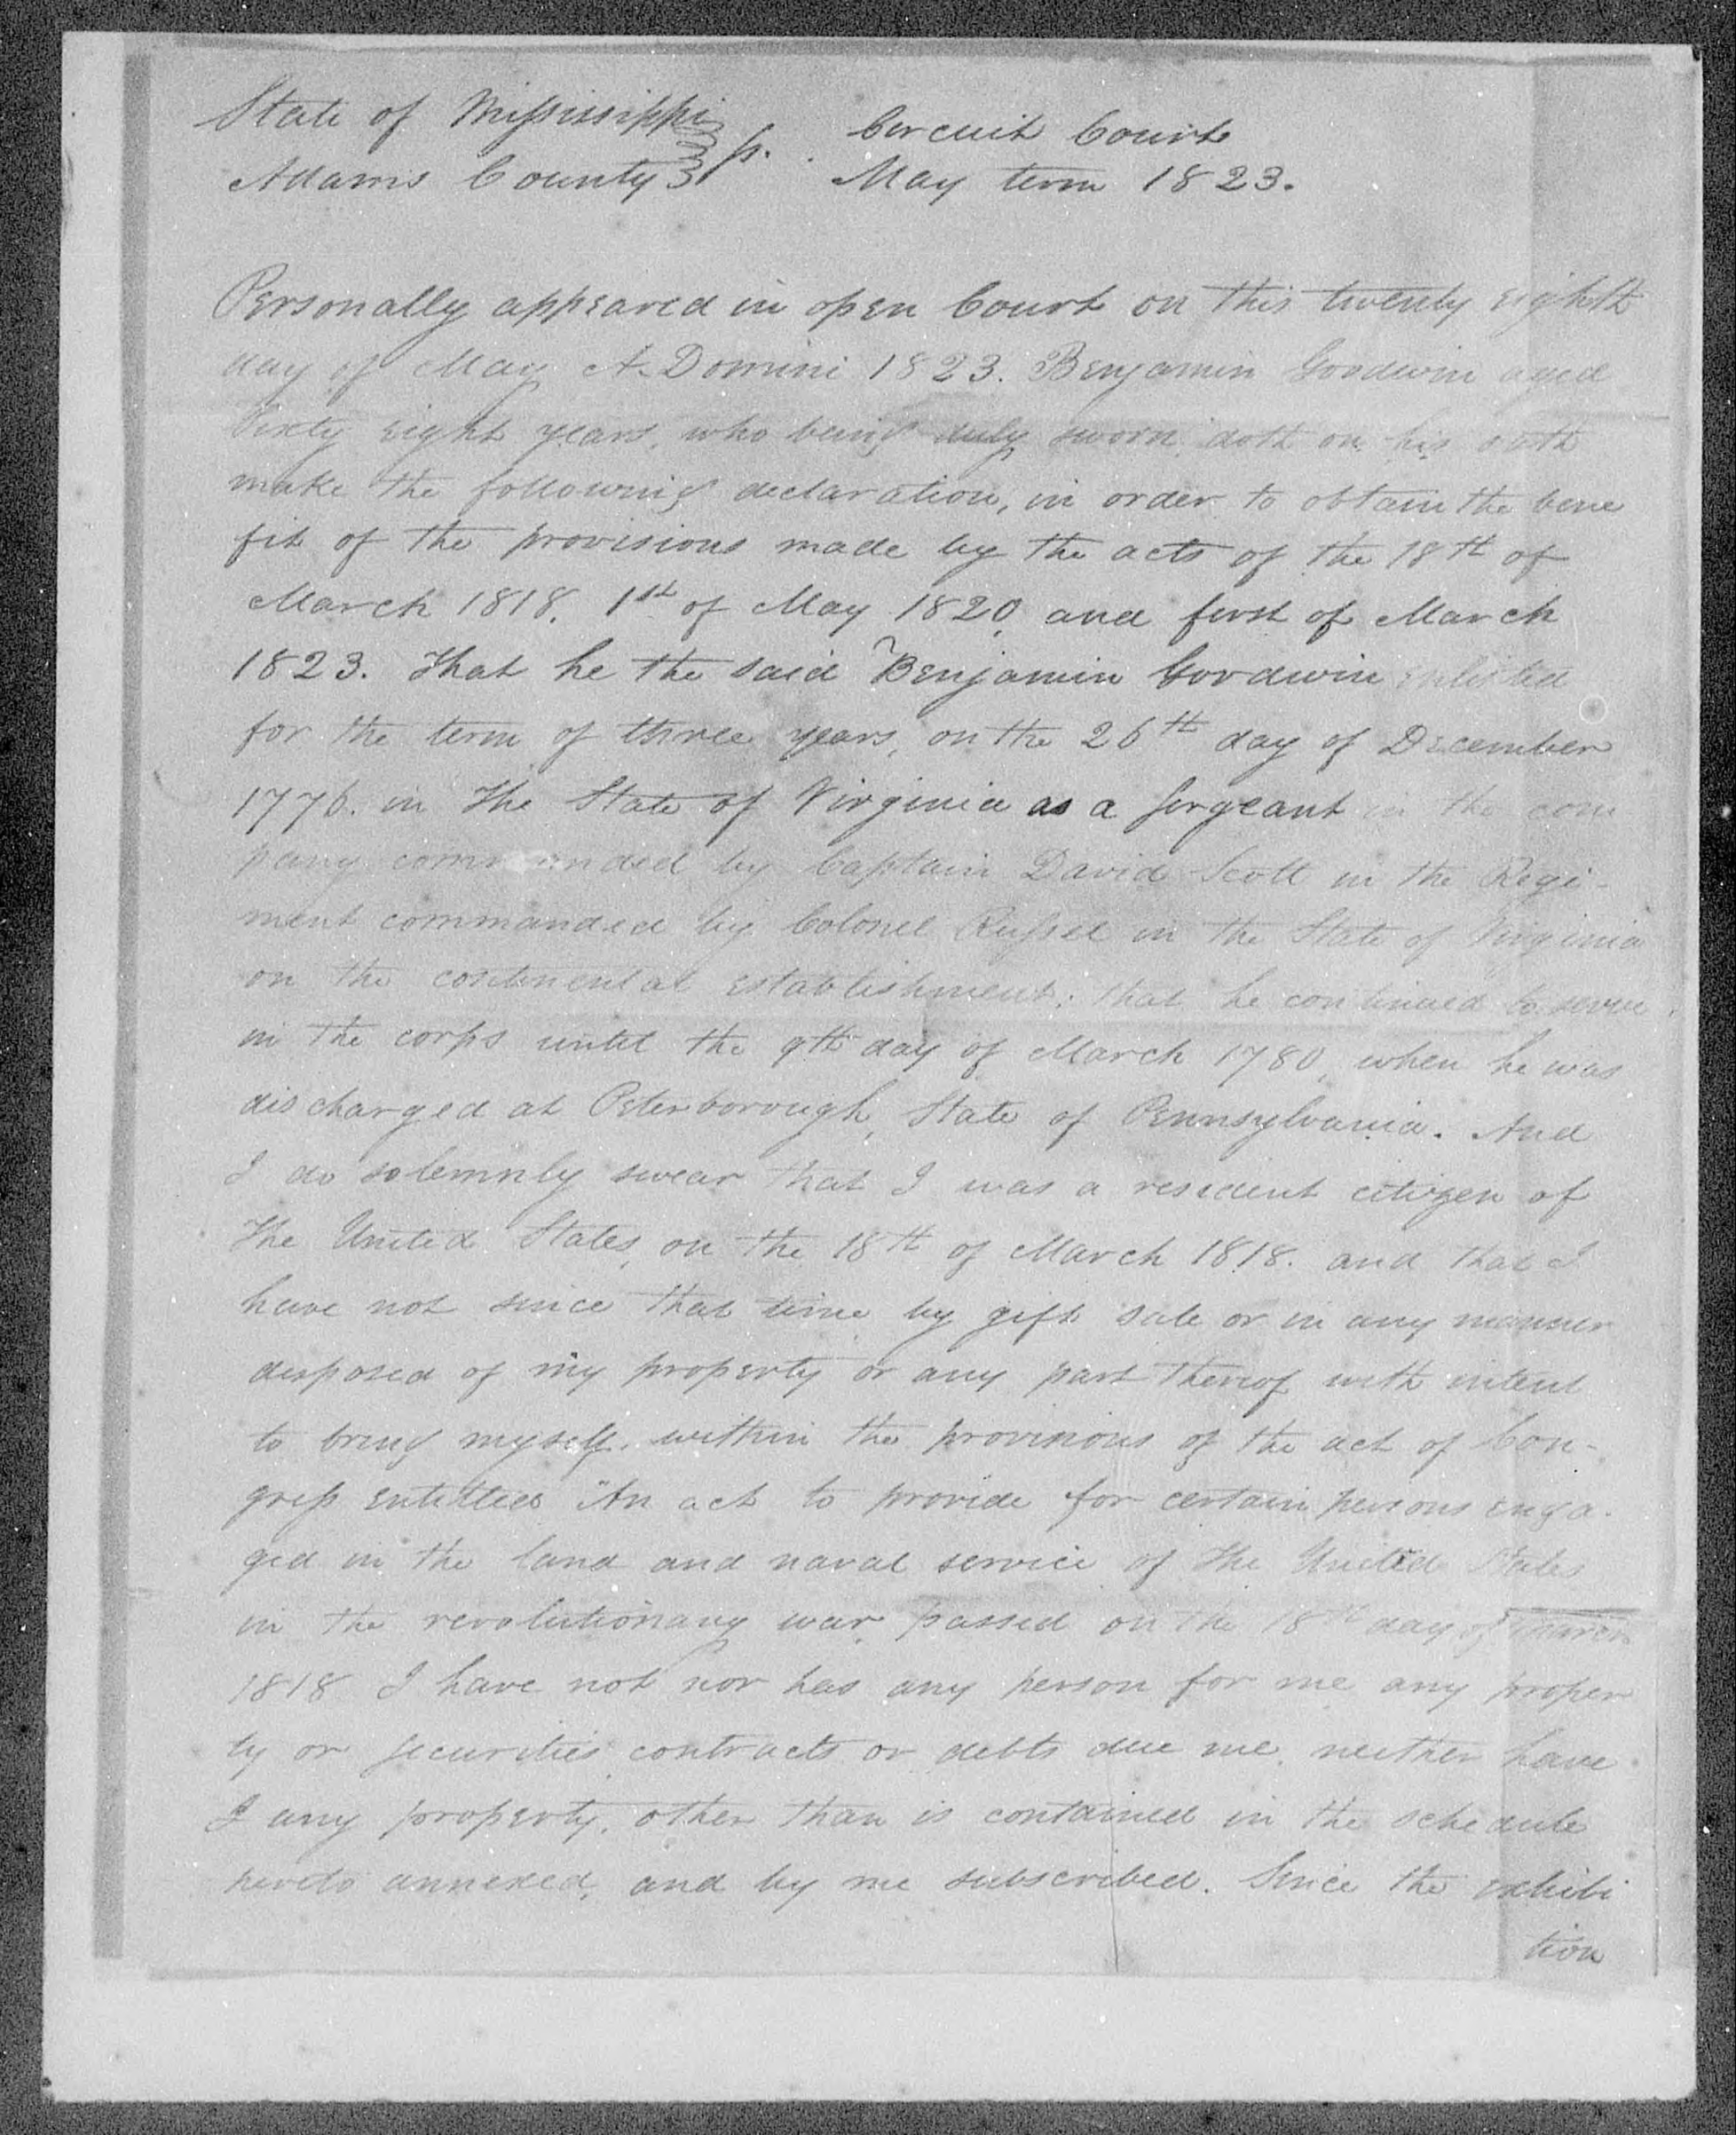State of Mississippi}
Adams County }  Ss.  Circuit Court
May term 1823.
Personally appeared in open court on the twenty eighth day of May, A. Domini 1823. Benjamin Goodwin aged Sixty eight years, who being duly swron doth on his oath make the following declaration, in order to obtain the benefit of the provisions made by the acts of the 18th Mach 1818, 1st of May 1820 and first of March 1823. That he the said Benjamin Goodwin enlisted for the term of three years, on the 26th day of December 1776 in the State of Virginia as a Sergeant in the company commanded by Captain David Scott in the Regiment commanded by Colonel Russell in the State of Virginia on the continental establishment;  that he continued to serve in the corps until the 9th day of March 1780, when he was discharged at Peterborough, State of Pennsylvania. And I do solemnly swear that I was a resident citizen of the United States on the 18th of March 1818, and that I have not since that time b y gift sale or in any manner disposed of my property or any part thereof with intent to bring myself within the provisions of the act of Congress entitled "An act ro provide for certain persons engaged in the land and naval service of the United States in the revolutionary war, passed on the 18th day of March 1818. I have not nor has any person for me any property or securities contracts of debts due me neither have I any property, other than is contained in the schedule hereto annexed, and by me subscribed. Since the exhibition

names: Benjamin Goodwin, David Scott, Benjamin Goodwin, Russell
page: 22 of 24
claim: survivor's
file: S. 34903, Benjamin Goodwin, Va.